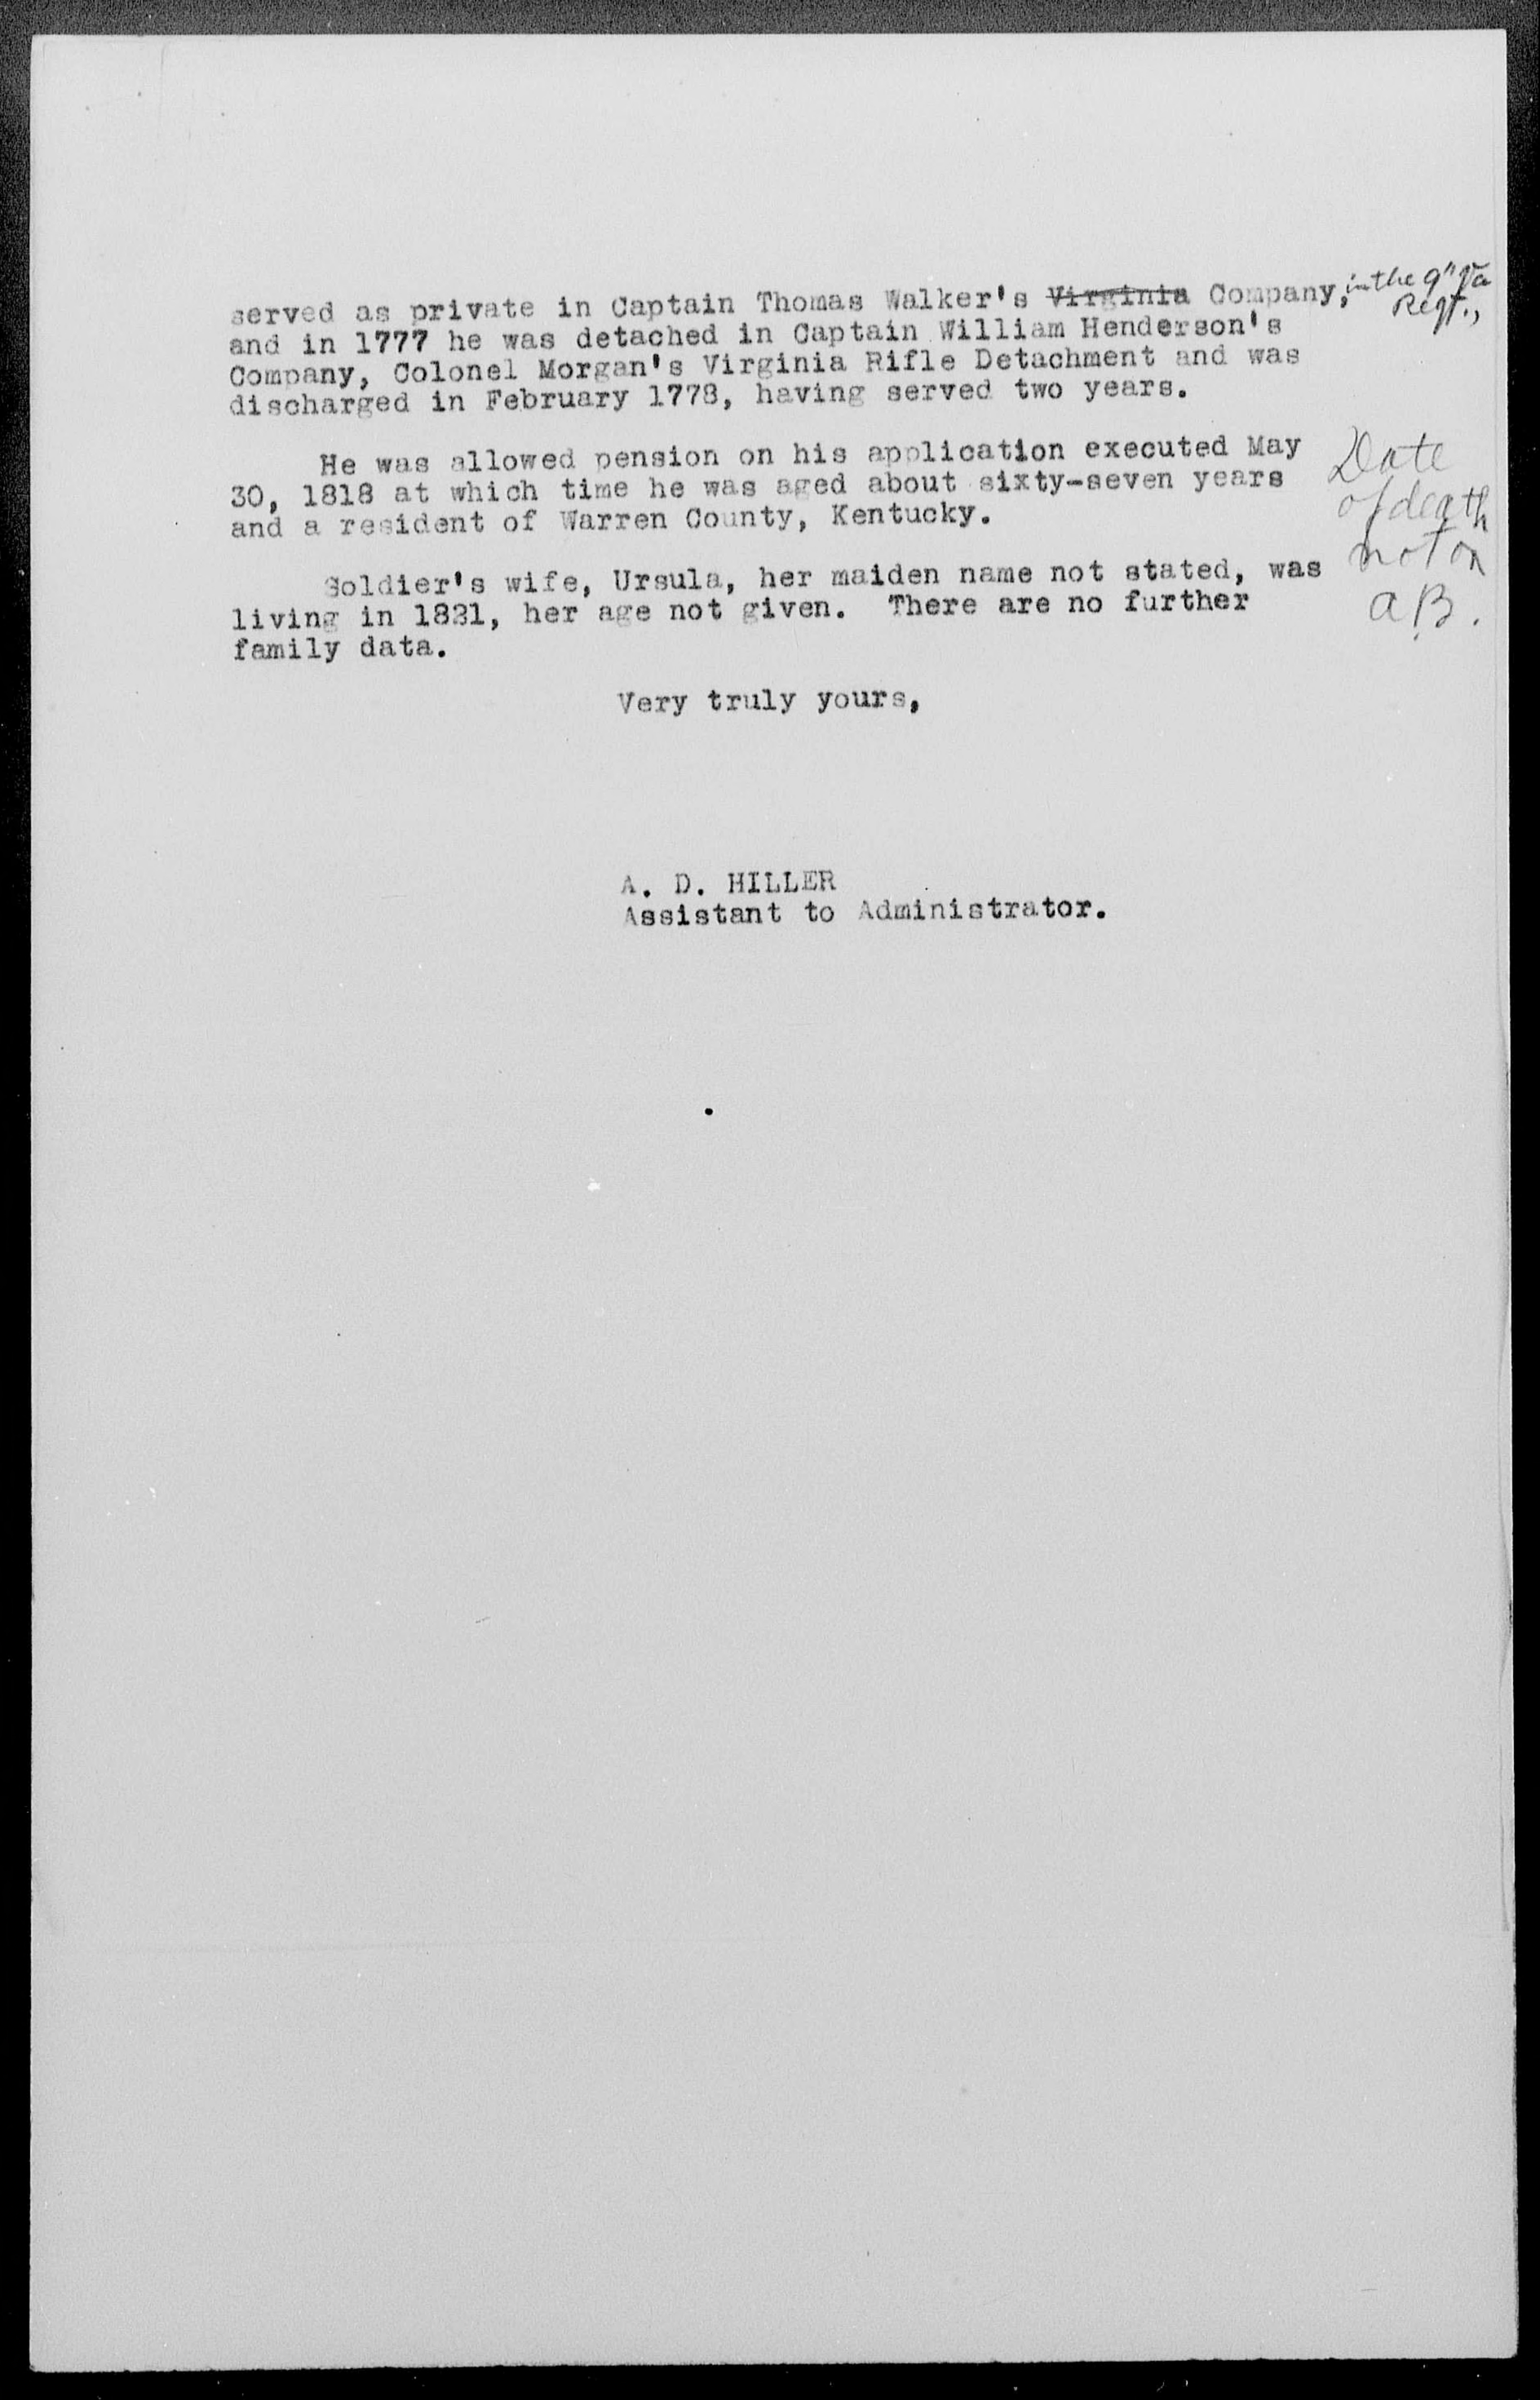served as private in Captain Thomas Walker's Company in the 9th Regiment, and in 1777 he was detached in Captain William Henderson's Company, Colonel Morgan's Virginia Rifle Detachment and was discharged in February 1778, having served two years.

He was allowed pension on his application executed May 30, 1818 at which time he was aged about sixty-seven years and a resident of Warren County, Kentucky.

Soldier's wife, Ursula, her maden name not stated, was living in 1821, her age not given. There are no further family data.

Very truly yours,

A. D. HILLER
Assistant to Administrator.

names: A D Hiller, Morgan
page: 13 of 22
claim: survivor's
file: S. 36399, Charles Allen, Va.